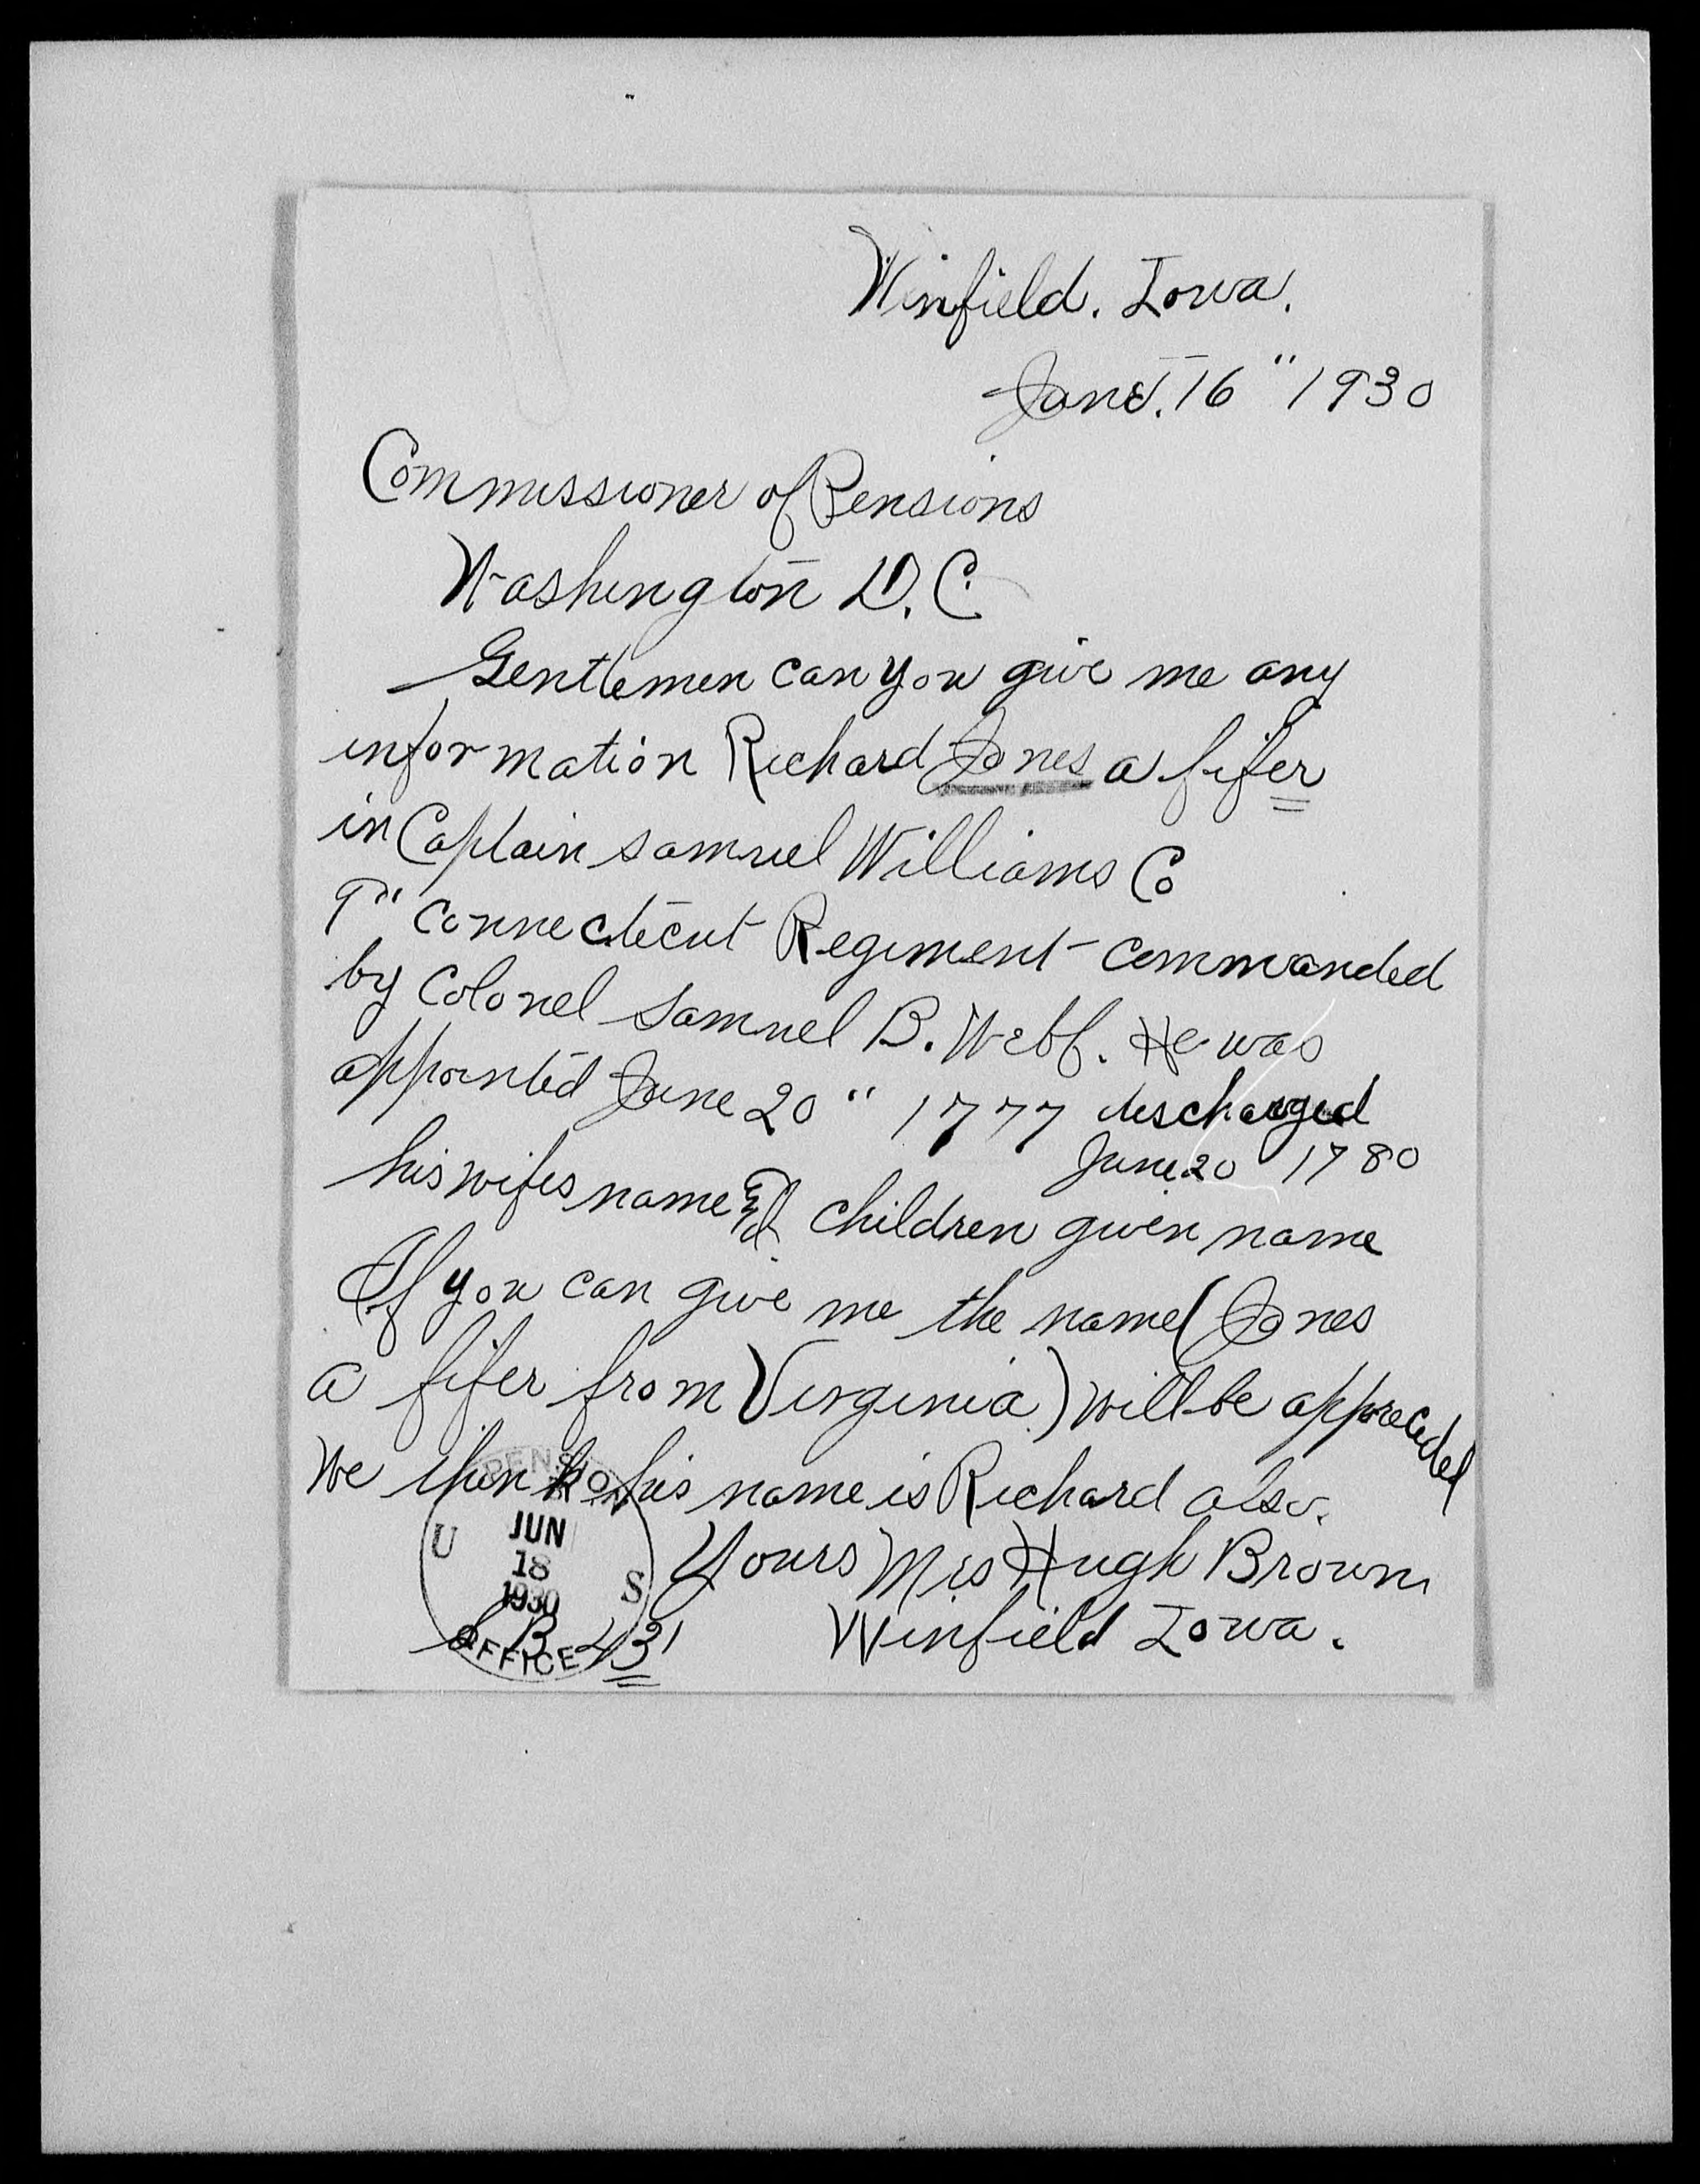Winfield, Lowa
Jane 16" 1930
Commissioner of Pensions
Washington D.C.
Gentlemen can you give me any
information Richard Jones a fifer
Captain Samuel William Co 9th Connecticut Regiment commanded
by Colonel Samuel B. Webb. He was
appointed June 20th 1777 discharged
June 20 1780 his wife's name and children given name
If you can give me the name (Jones
a fifer from Virginia) will be appreciated 
We think his name is Richard also

Yours Mrs Hugh Brown
Winfield Iowa.
SB 43

Black Round stamp: PENSION US OFFICE JUNE 18 1930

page: 62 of 62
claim: widow's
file: W. 765, for Richard L Jones, Connecticut